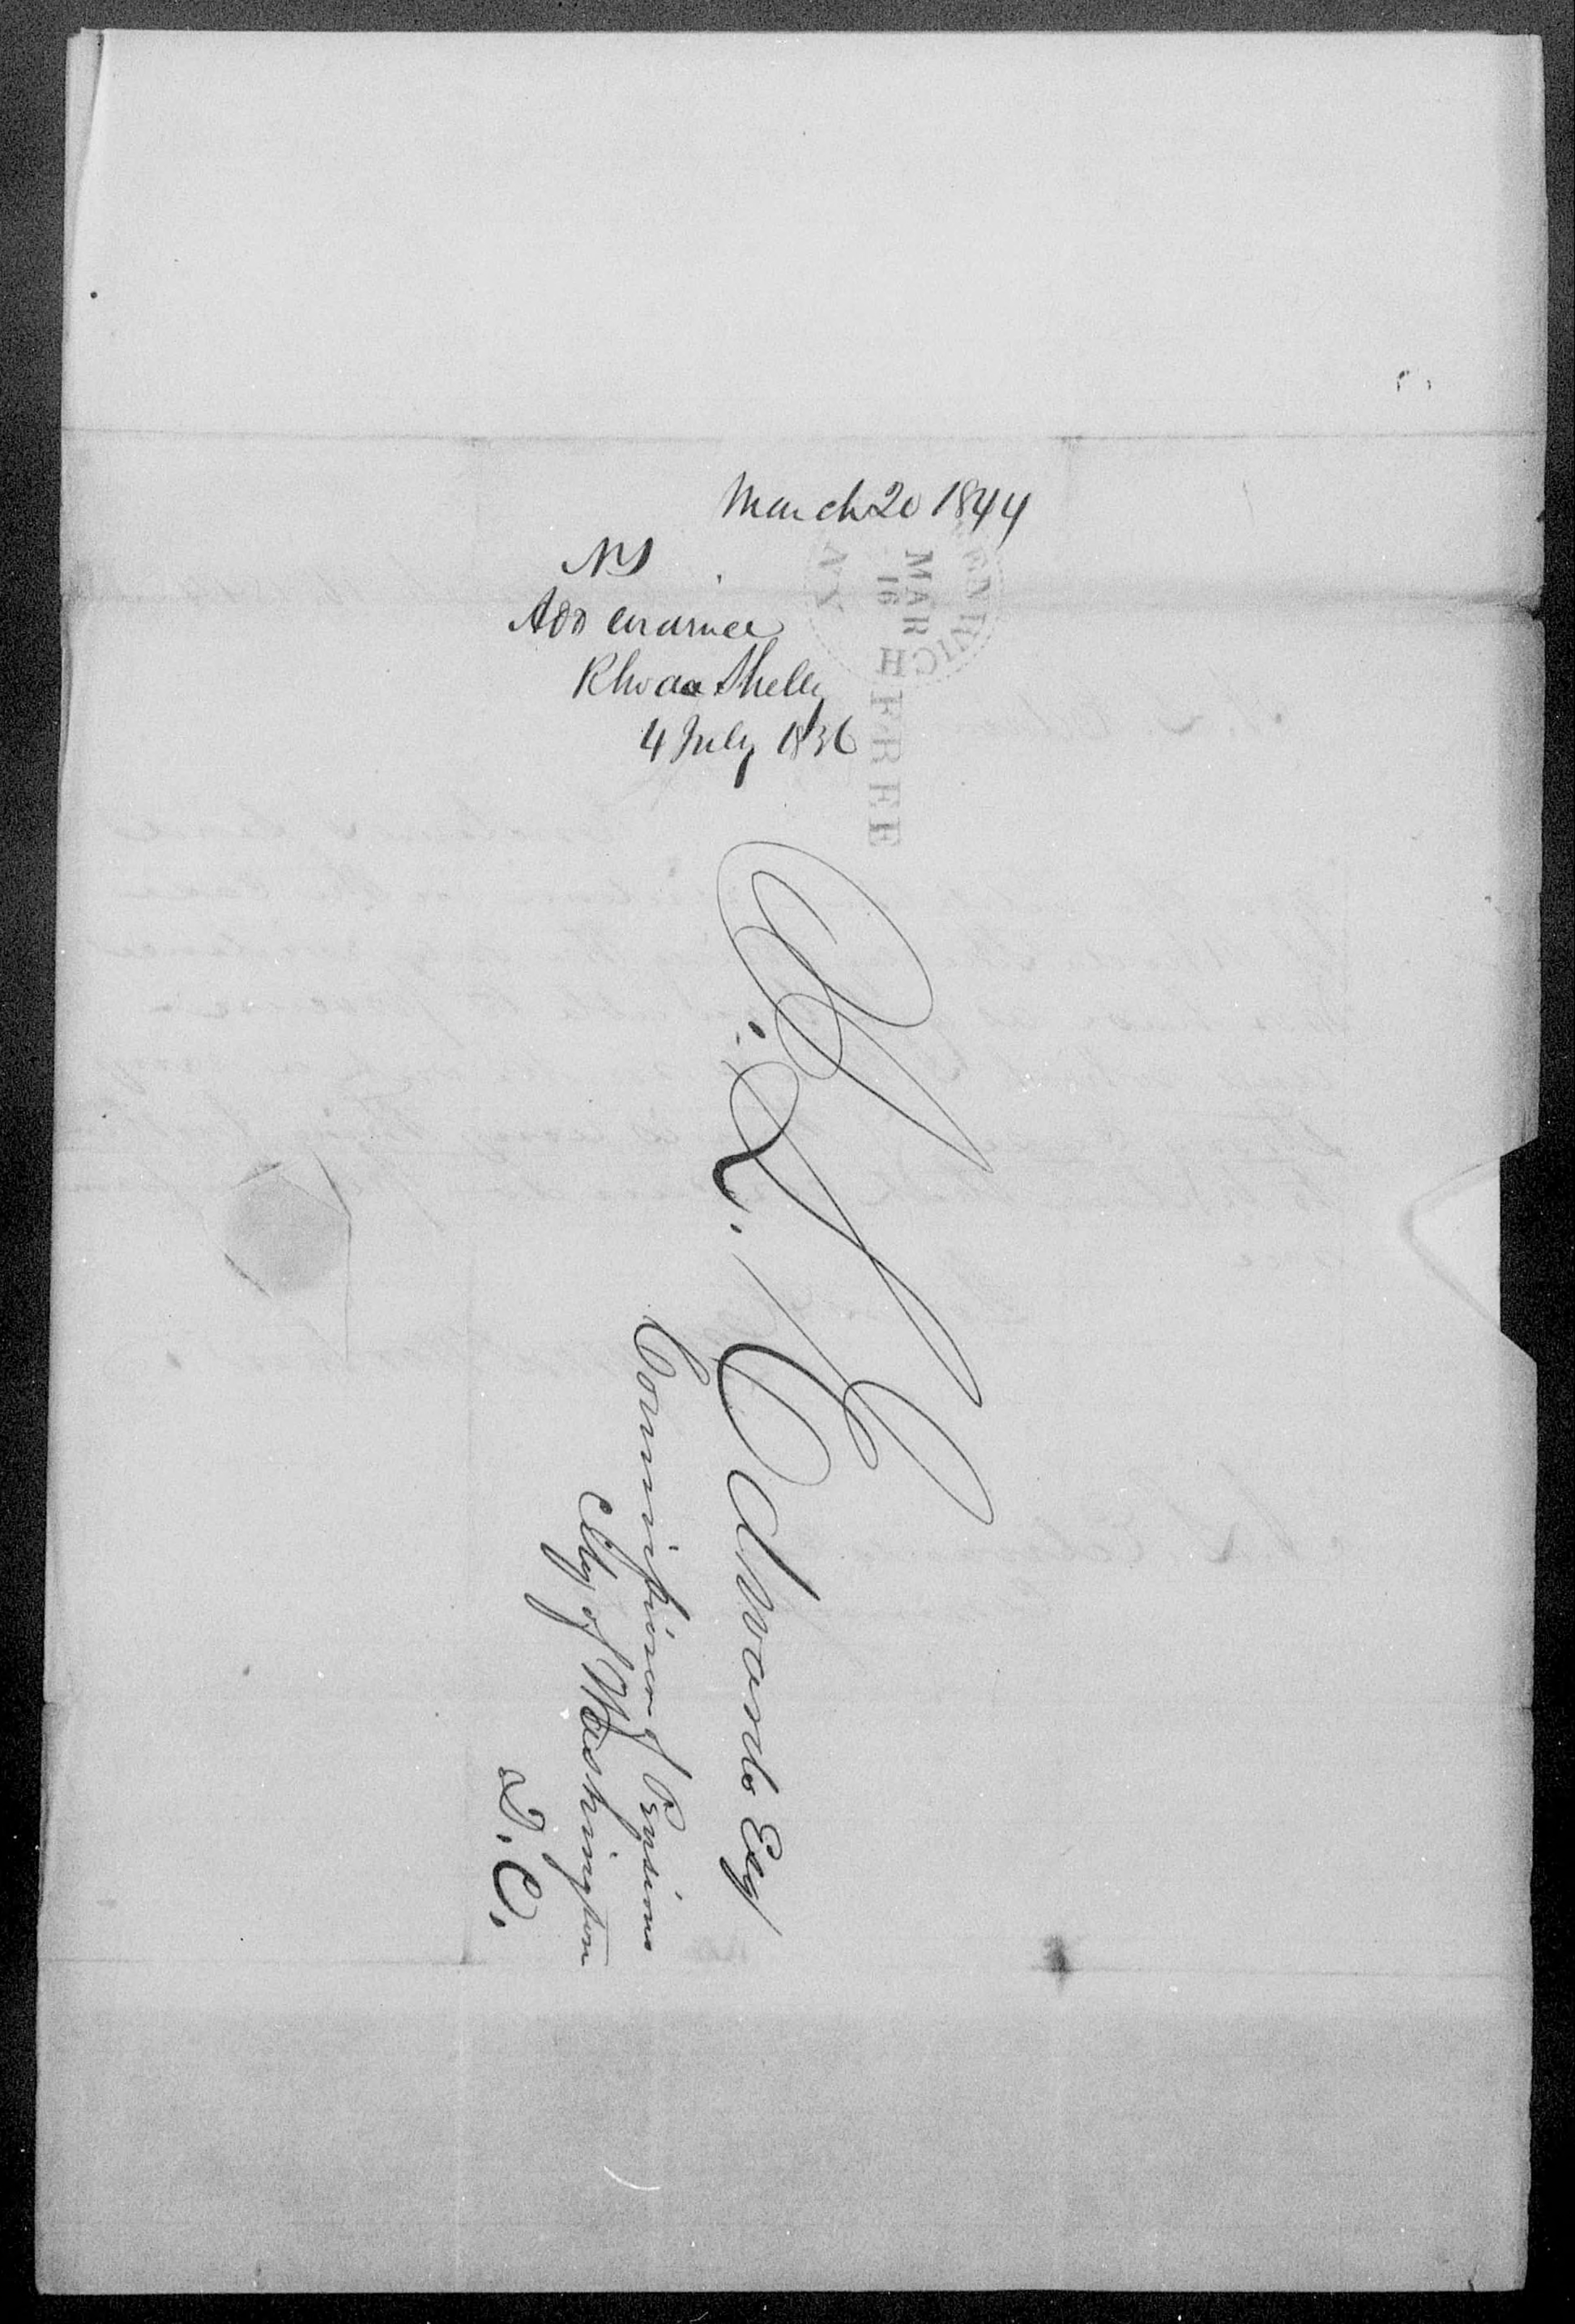March 20, 1844

NY
No evidence
Rhoda Shelly
4 July 1836

J.L. Edwards Esq
Commissioner of Pensions
City of Washington
D.C.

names: Rhoda Shelly, J L Edwards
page: 30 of 51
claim: widow's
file: W. 19,026, Israel Harrington, R.I.